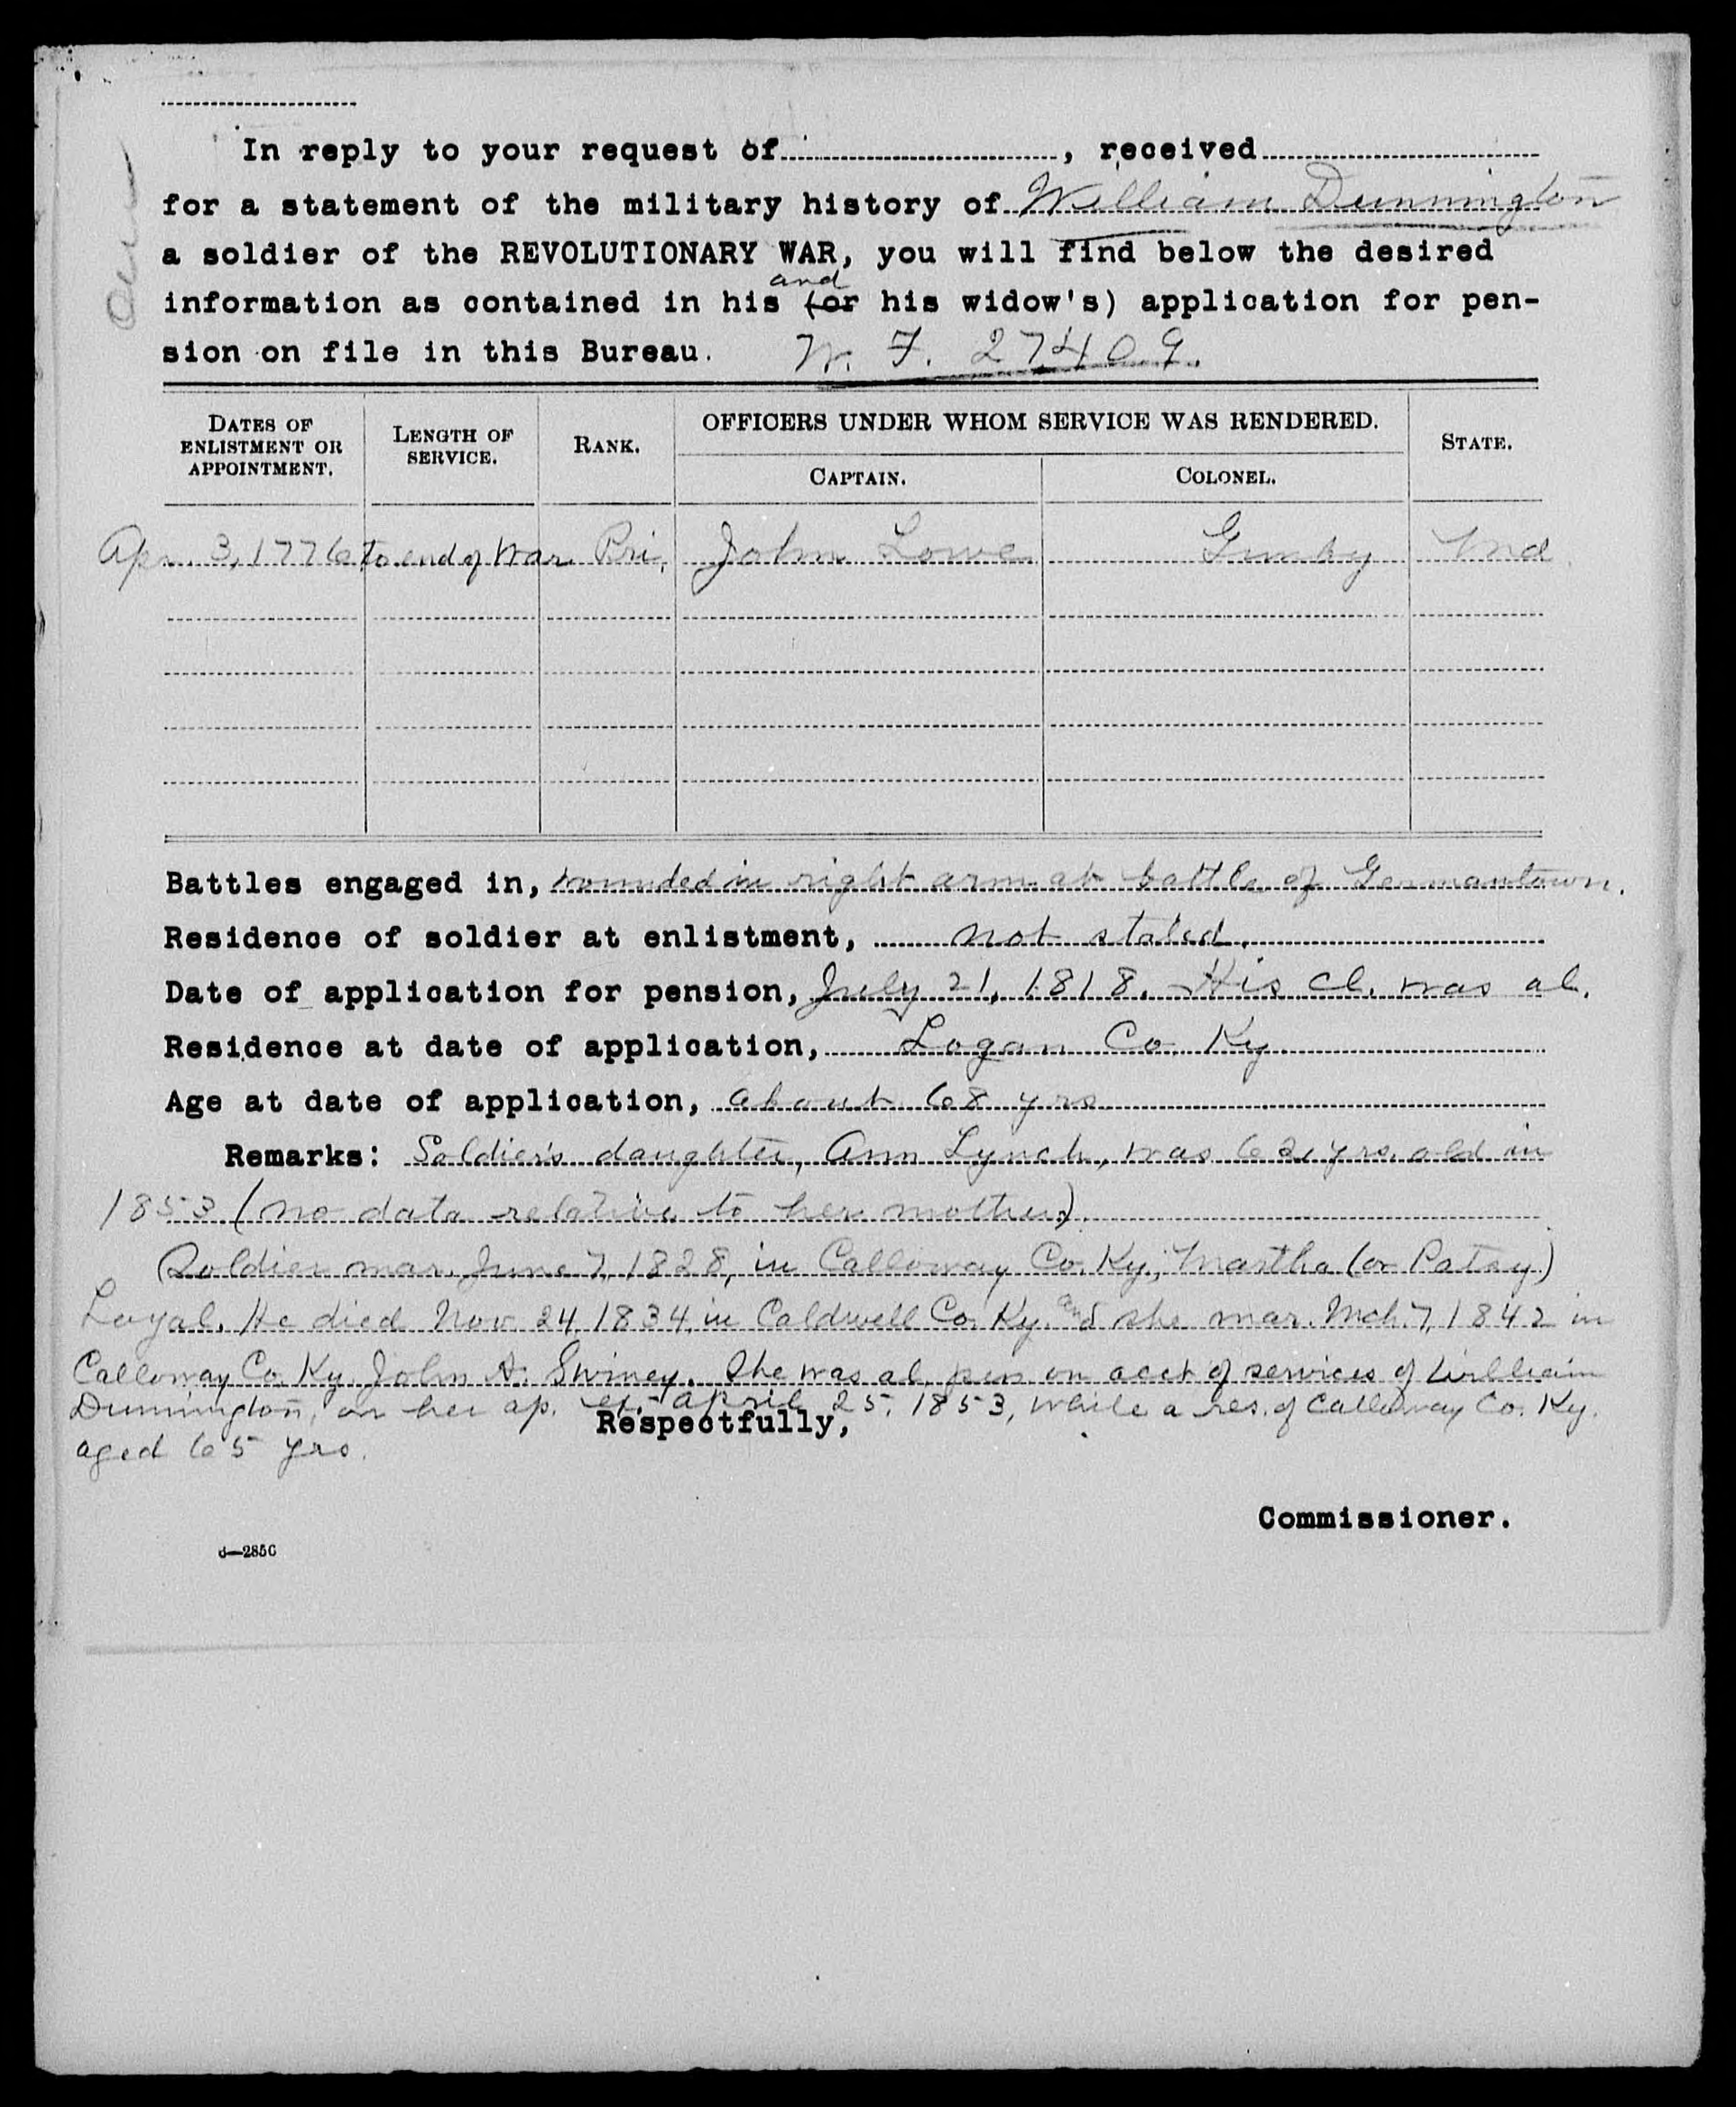In reply to your request of blank, received blank for a statement of the military history of William Dunnington a soldier of the Revolutionary War, you will find below the desired information as contained in his and his widow's application for pension on file in this Bureau. M.F. 27409

Dates of Enlistment or Appointment: Apr. 3, 1776
Length of Service: To end of War
Rank: Private
Offices under Whom Service was Rendered:
Captain: John Lowe
Colonel: Grandby
State: MD

Battles engaged in: wounded in right arm at battle of Germantown
Residence of soldier at enlistment: not stated
Date of application for pension: July 21, 1818 His claim was allowed
Residence at date of application: Logan Co., Ky
Age at date of application: about 68 yrs.
Remarks: Soldier's daughter Ann Lynch was 62 yrs old in1853 / no data relative to her mother. Soldier mar June 7, 1828 in Calloway Co. Ky Martha (or Patsy) Loyal. He died Nov 24, 1834 in Caldwell Co Ky and she mar Mar 7, 1842 in Calloway CO Ky John A Swiney. She was al pen on acct of services of William Dunnington on her ap in April 25, 1853 while a res of Calloway Co Ky aged 65 years.

Respectfully, 
Commissioner.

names: Ann Lynch, John Lowe, Martha Loyal, John A Swiney, William Dunnington, Gunbey, Patsy Loyal, William Dunnington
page: 28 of 51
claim: widow's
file: W. 27,409, William Dunnington, Md.